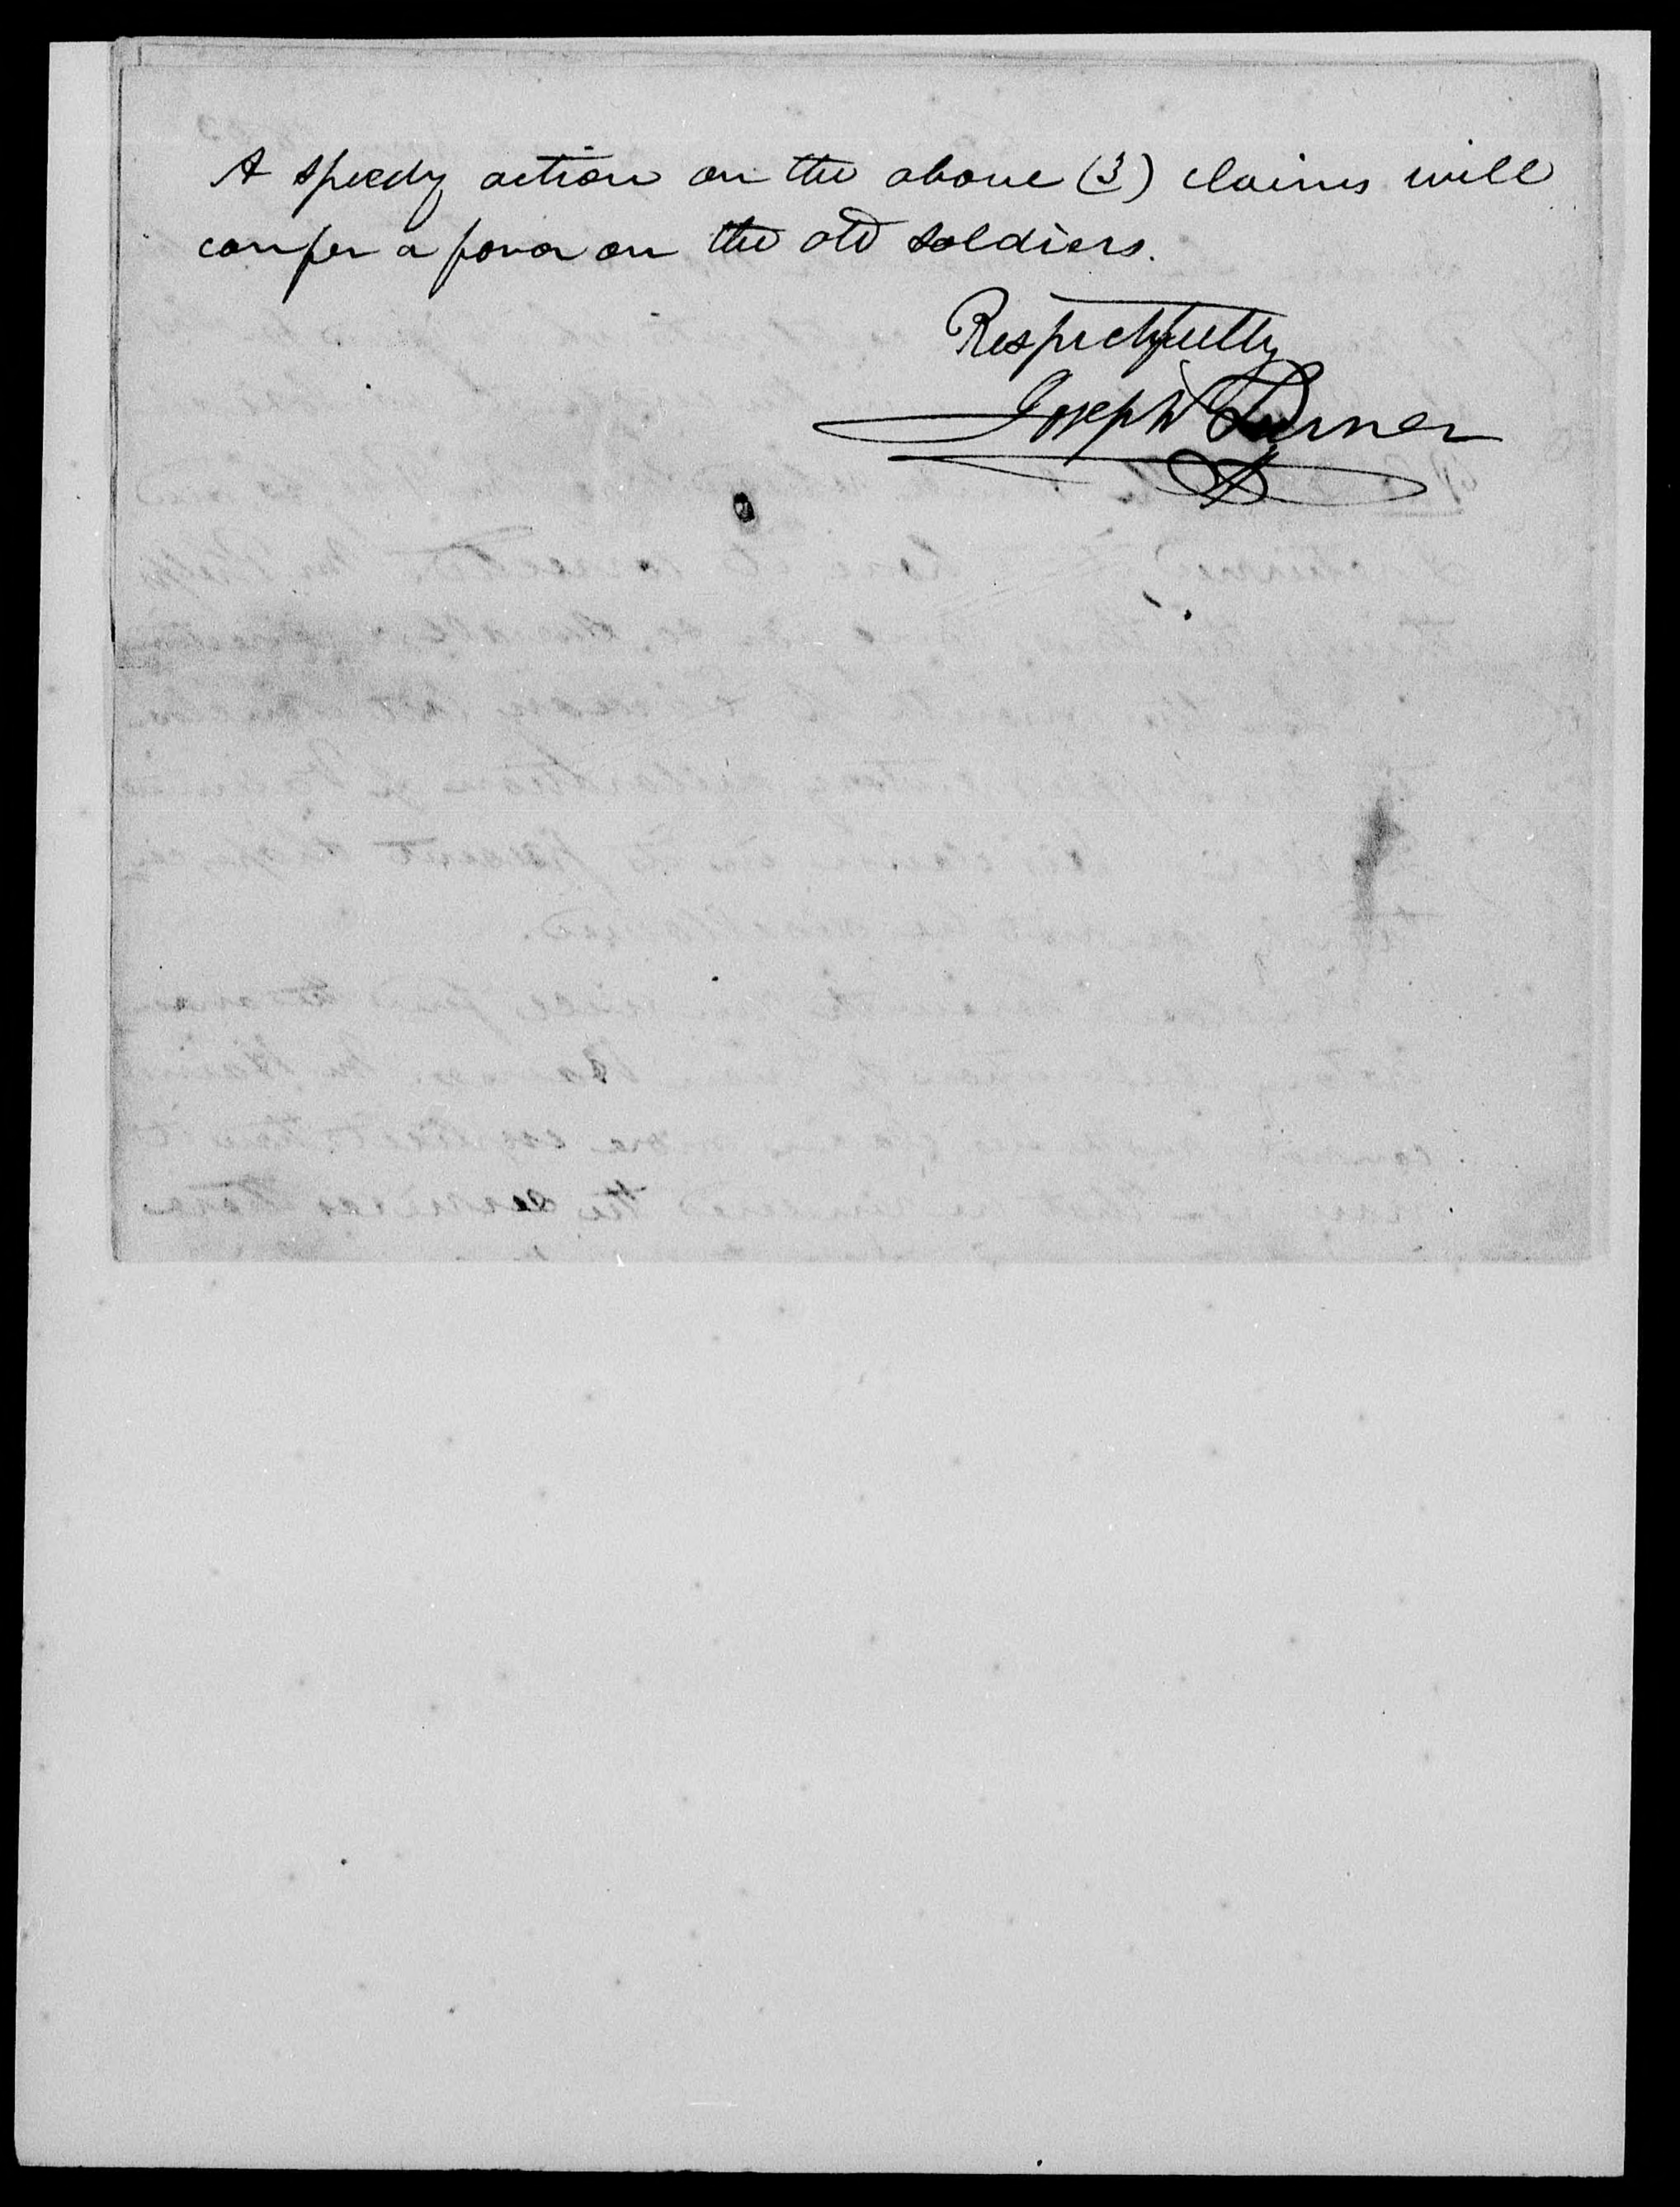A speedy action on the above (3)  claims will confer a favor on the old soldiers.

Respectfully,
Joseph W. Turner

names: Joseph Turner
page: 32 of 34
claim: widow's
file: W. 8897, Evan Haines, Ga